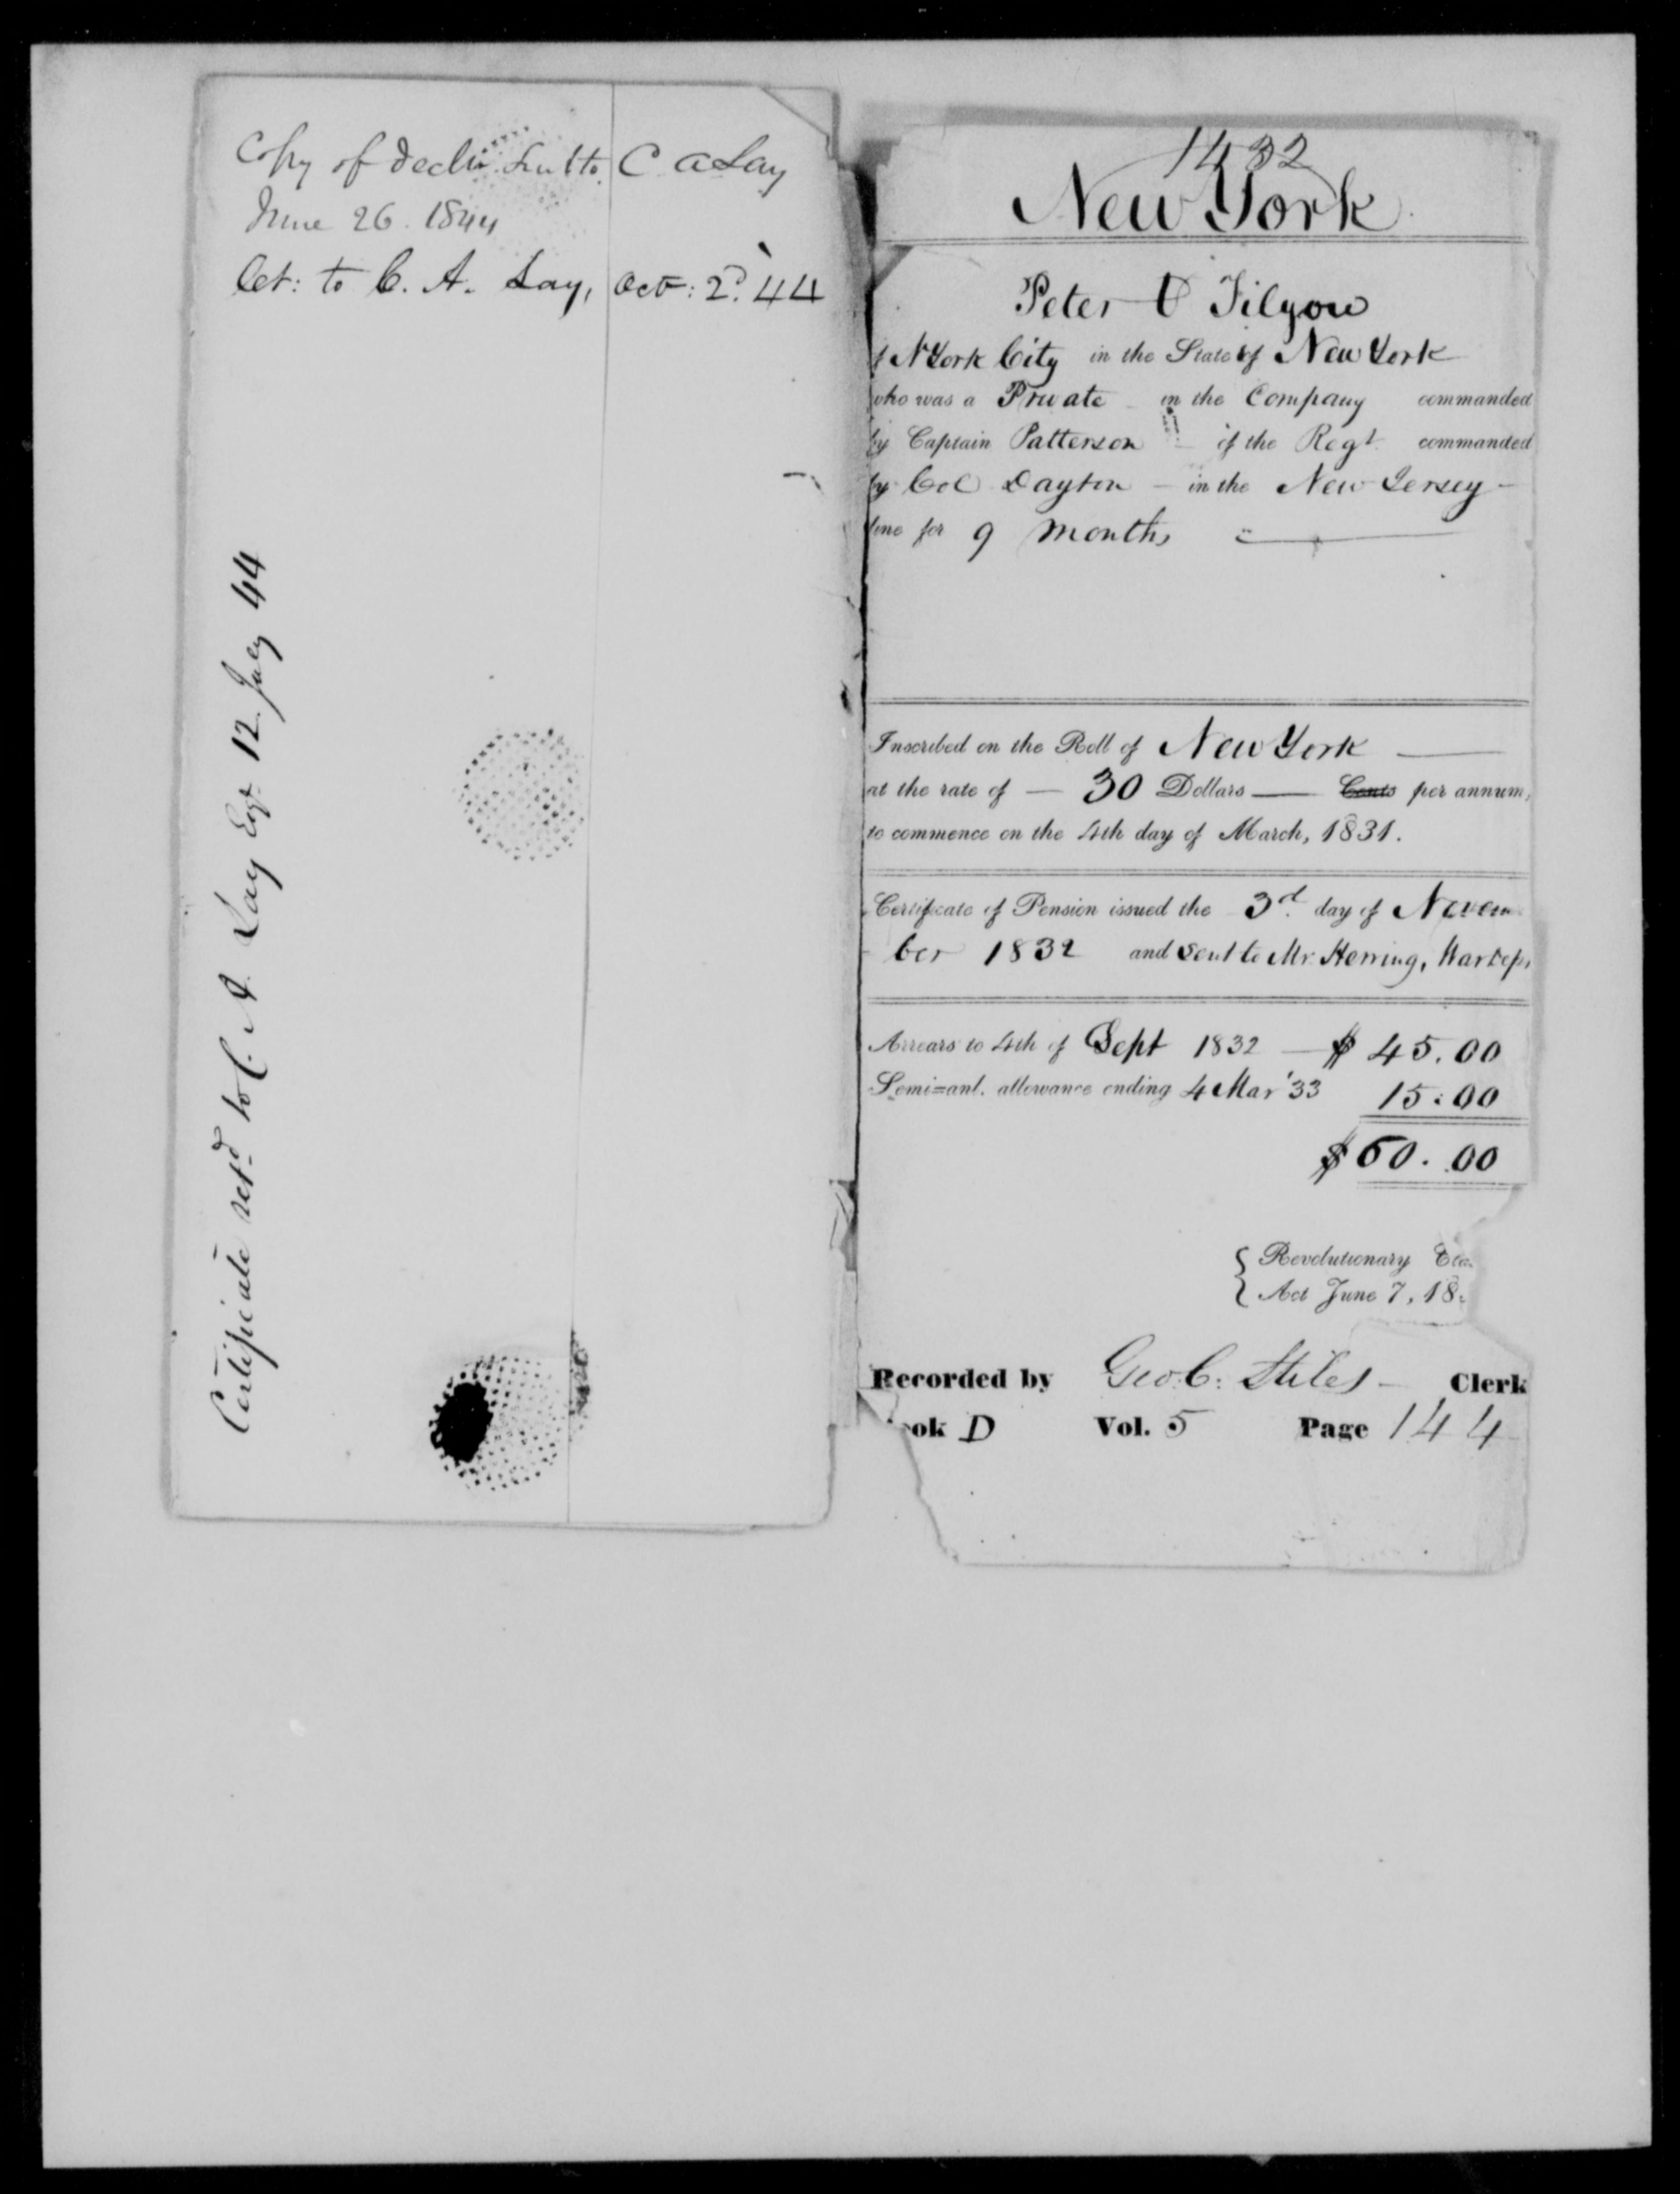1432
 New York
Peter V. Tilyou
In N. York City in the State of New York who was a Private in the Company commanded by Captain Patterson of the Regt commanded by Col. Dayton in the New Jersey line for 9 month,

Inscribed on the Roll of New York  at the rate of - 30 Dollars - per annum to commence on the 4th day of March 1834.

A Certificate of Pension issued the 3rd day of November 1832 and sent to Mr. Heming, War Dep.

Arrears to 4th of Sept 1832              $45.00
Semi=anl allowance ending 4Mar'33 15.00
                                                             $60.00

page: 2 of 101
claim: widow's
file: W. 25481, for Peter V Tilyou, New Jersey